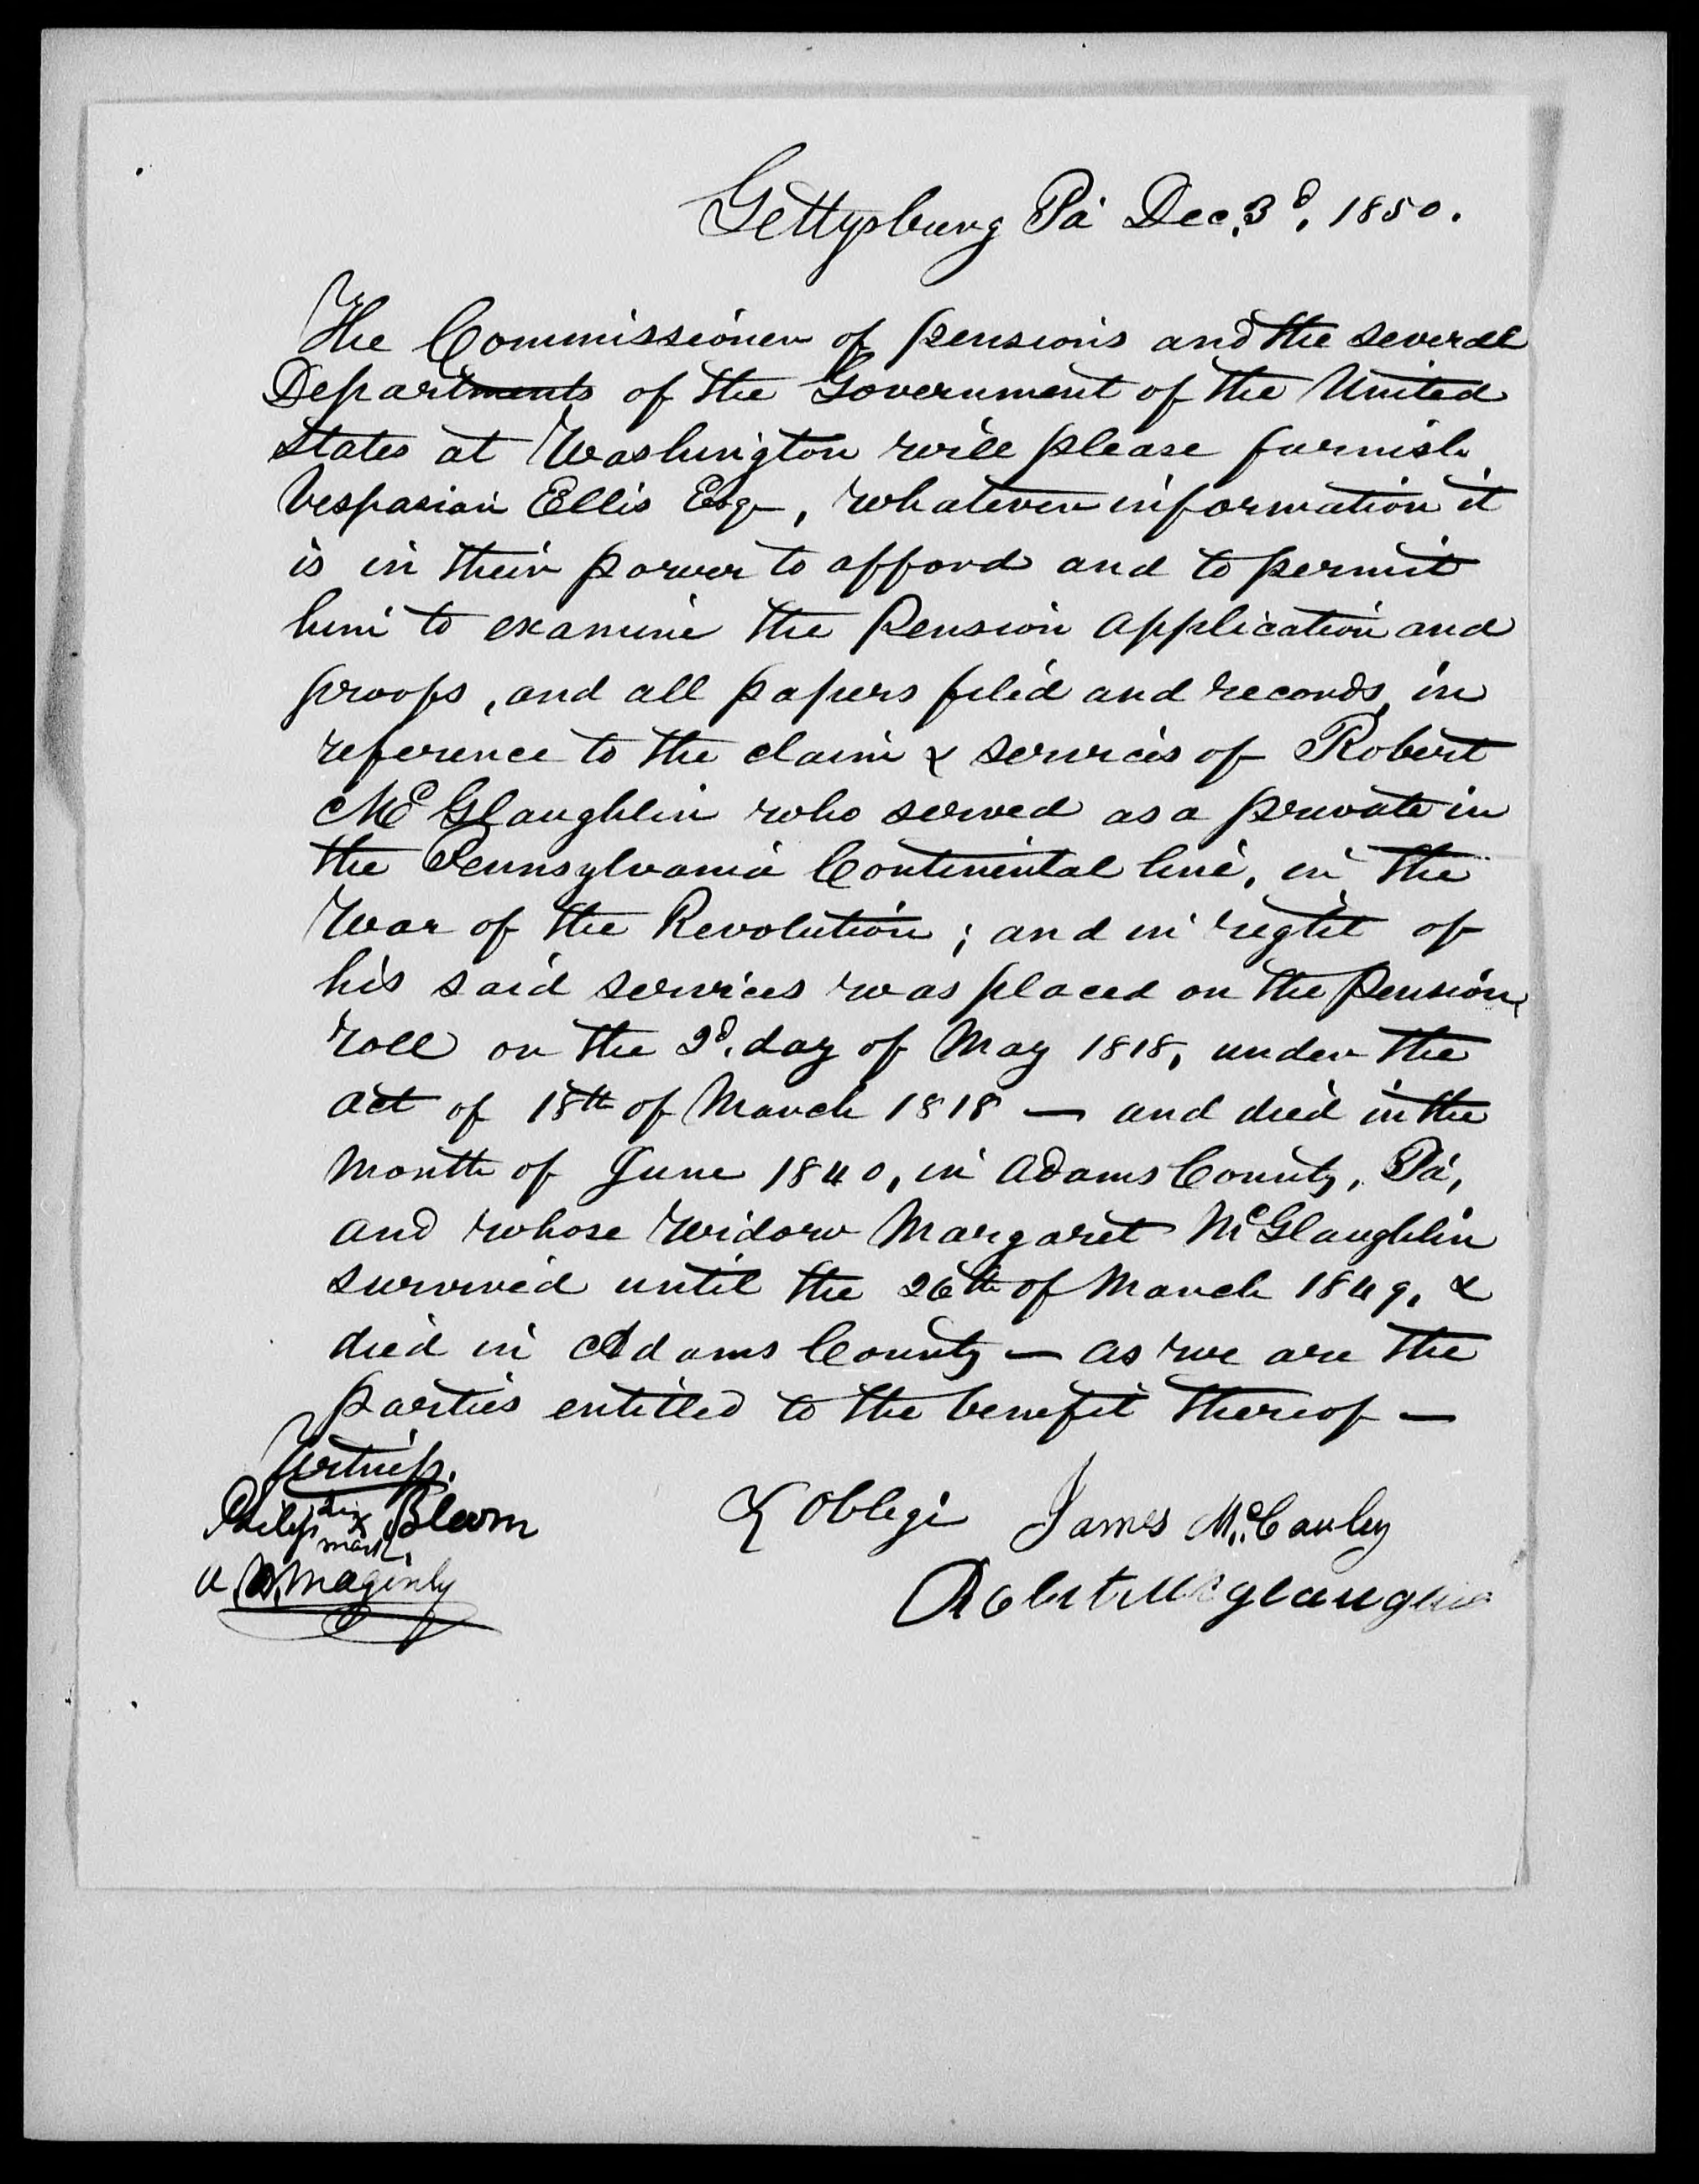Gettysburg Pa Dec 3d 1850

The Commissioner of pensions and the several Departments of the Government of the United States at Washington will please furnish, Vesparian Ellis Esq, whatever information it is in their power to afford and to permit him to examine the Pension application and proofs, and all papers filed and records, in reference to the claim & services of Robert McLaughlin who served as a private in the Pennsylvania Continental line, in the War of the Revolution; and in right of his said services was placed on the pension roll on the 2d day of May 1818, under the act of 18th of March 1818 - and died in the month of June 1840, in Adams County, Pa and whose widow Margaret McGlaughlin survived until the 26th of March 1849, & died in Adams County - as we are the parties entitled to the benefit thereof -
I oblige
[signed] James M. Canleu
[signed] Robert McGlaughlin

Witness
[signed] Philip Bloom x his mark
A. McMaginly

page: 4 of 19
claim: survivor's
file: S. 40,146, for Robert Mc Laughlin, Pennsylvania